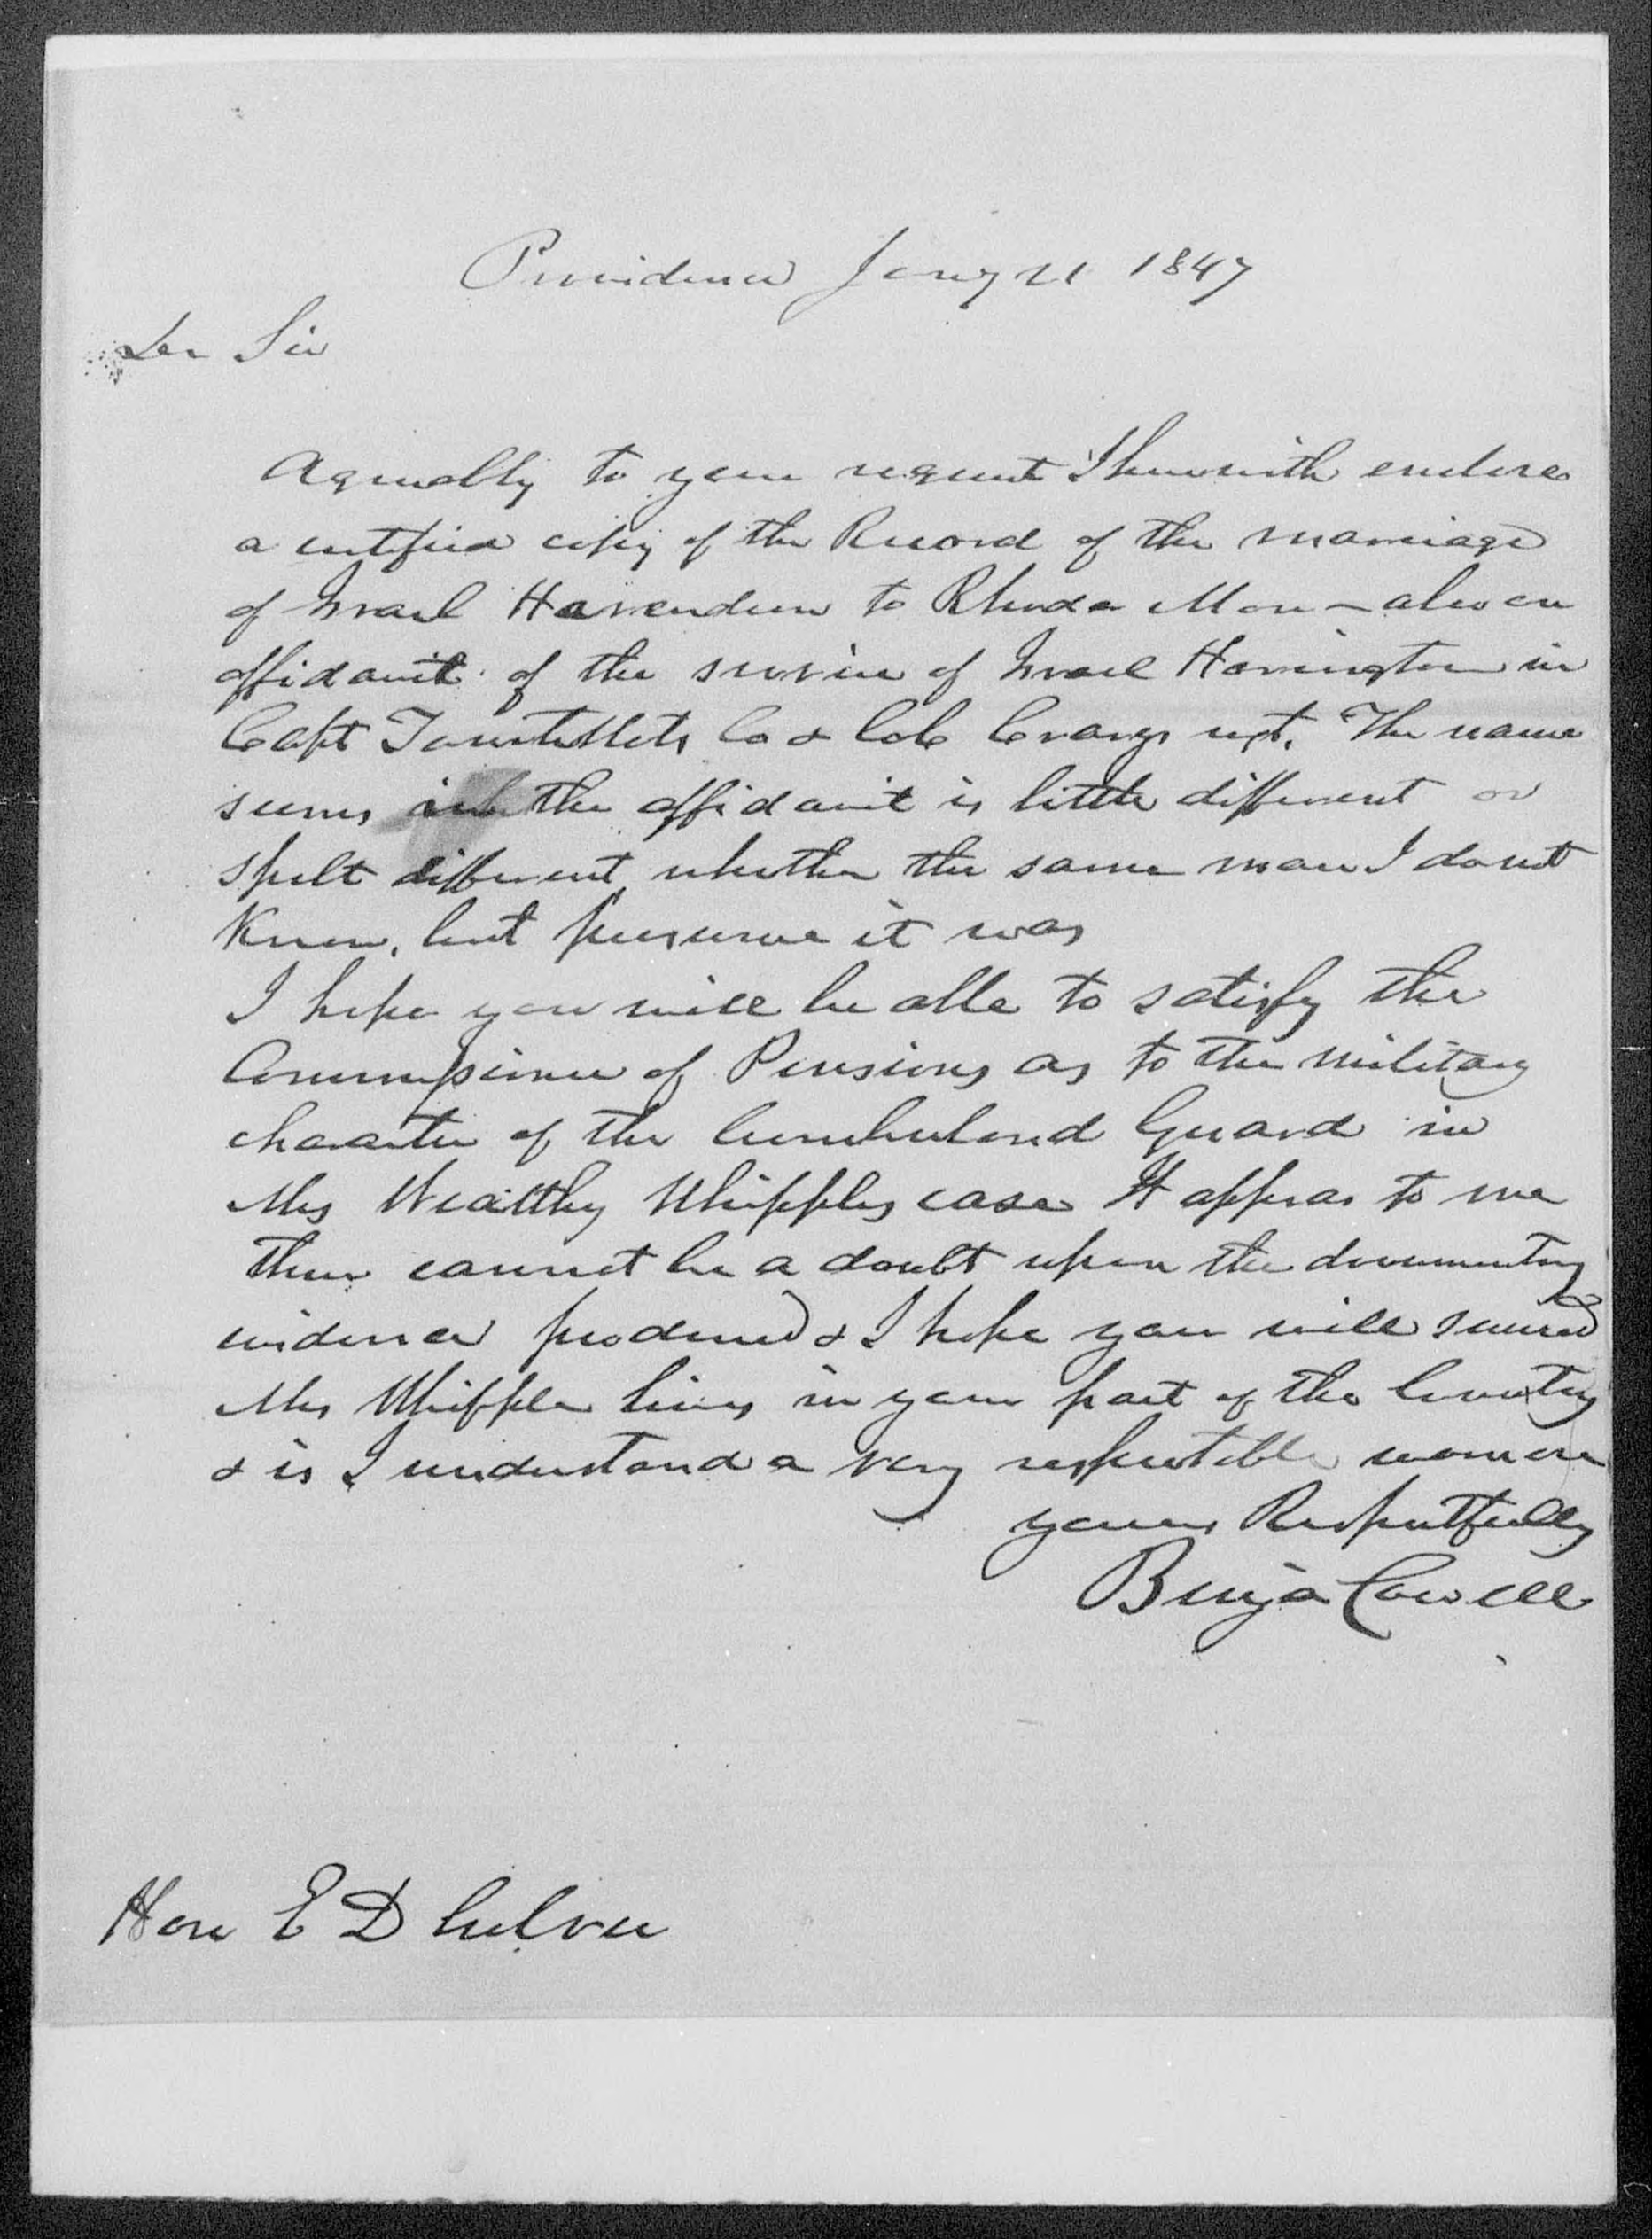Providence Jany [January] 21 1847

Dr [Dear] Sir

Agreeably to your request I have herewith enclosed a certified copy of the Record of the marriage of Israel Harrendeen [Harrington] to Rhoda Man - also an affidavit of the service of Israel Harrington in Capt Tourtillots [Tourtillot's] Co & Col Crarys [Crary's] regt. The name seems in the affidavit is little different or spelt different whether the same man I don't know, but [illegible] it was

I hope you will be able to satisfy the Commission of Pensions as to the military character of the Cumberland Guard in Mrs Wealthy Whipples [Whipple's] case It appears to me there cannot be a doubt upon the documentary evidence produced & I hope you will [secured?] Mrs Whipple lives in your part of the County & I understand a very respectable woman

Yours Respectfully
Benja Cowell

Hon E D Culver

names: Rhoda Man, E D Culver, Benja Cowell, Israel Harrington, Whipple, Israel Harrendeen, Wealthy Whipples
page: 44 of 51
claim: widow's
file: W. 19,026, Israel Harrington, R.I.